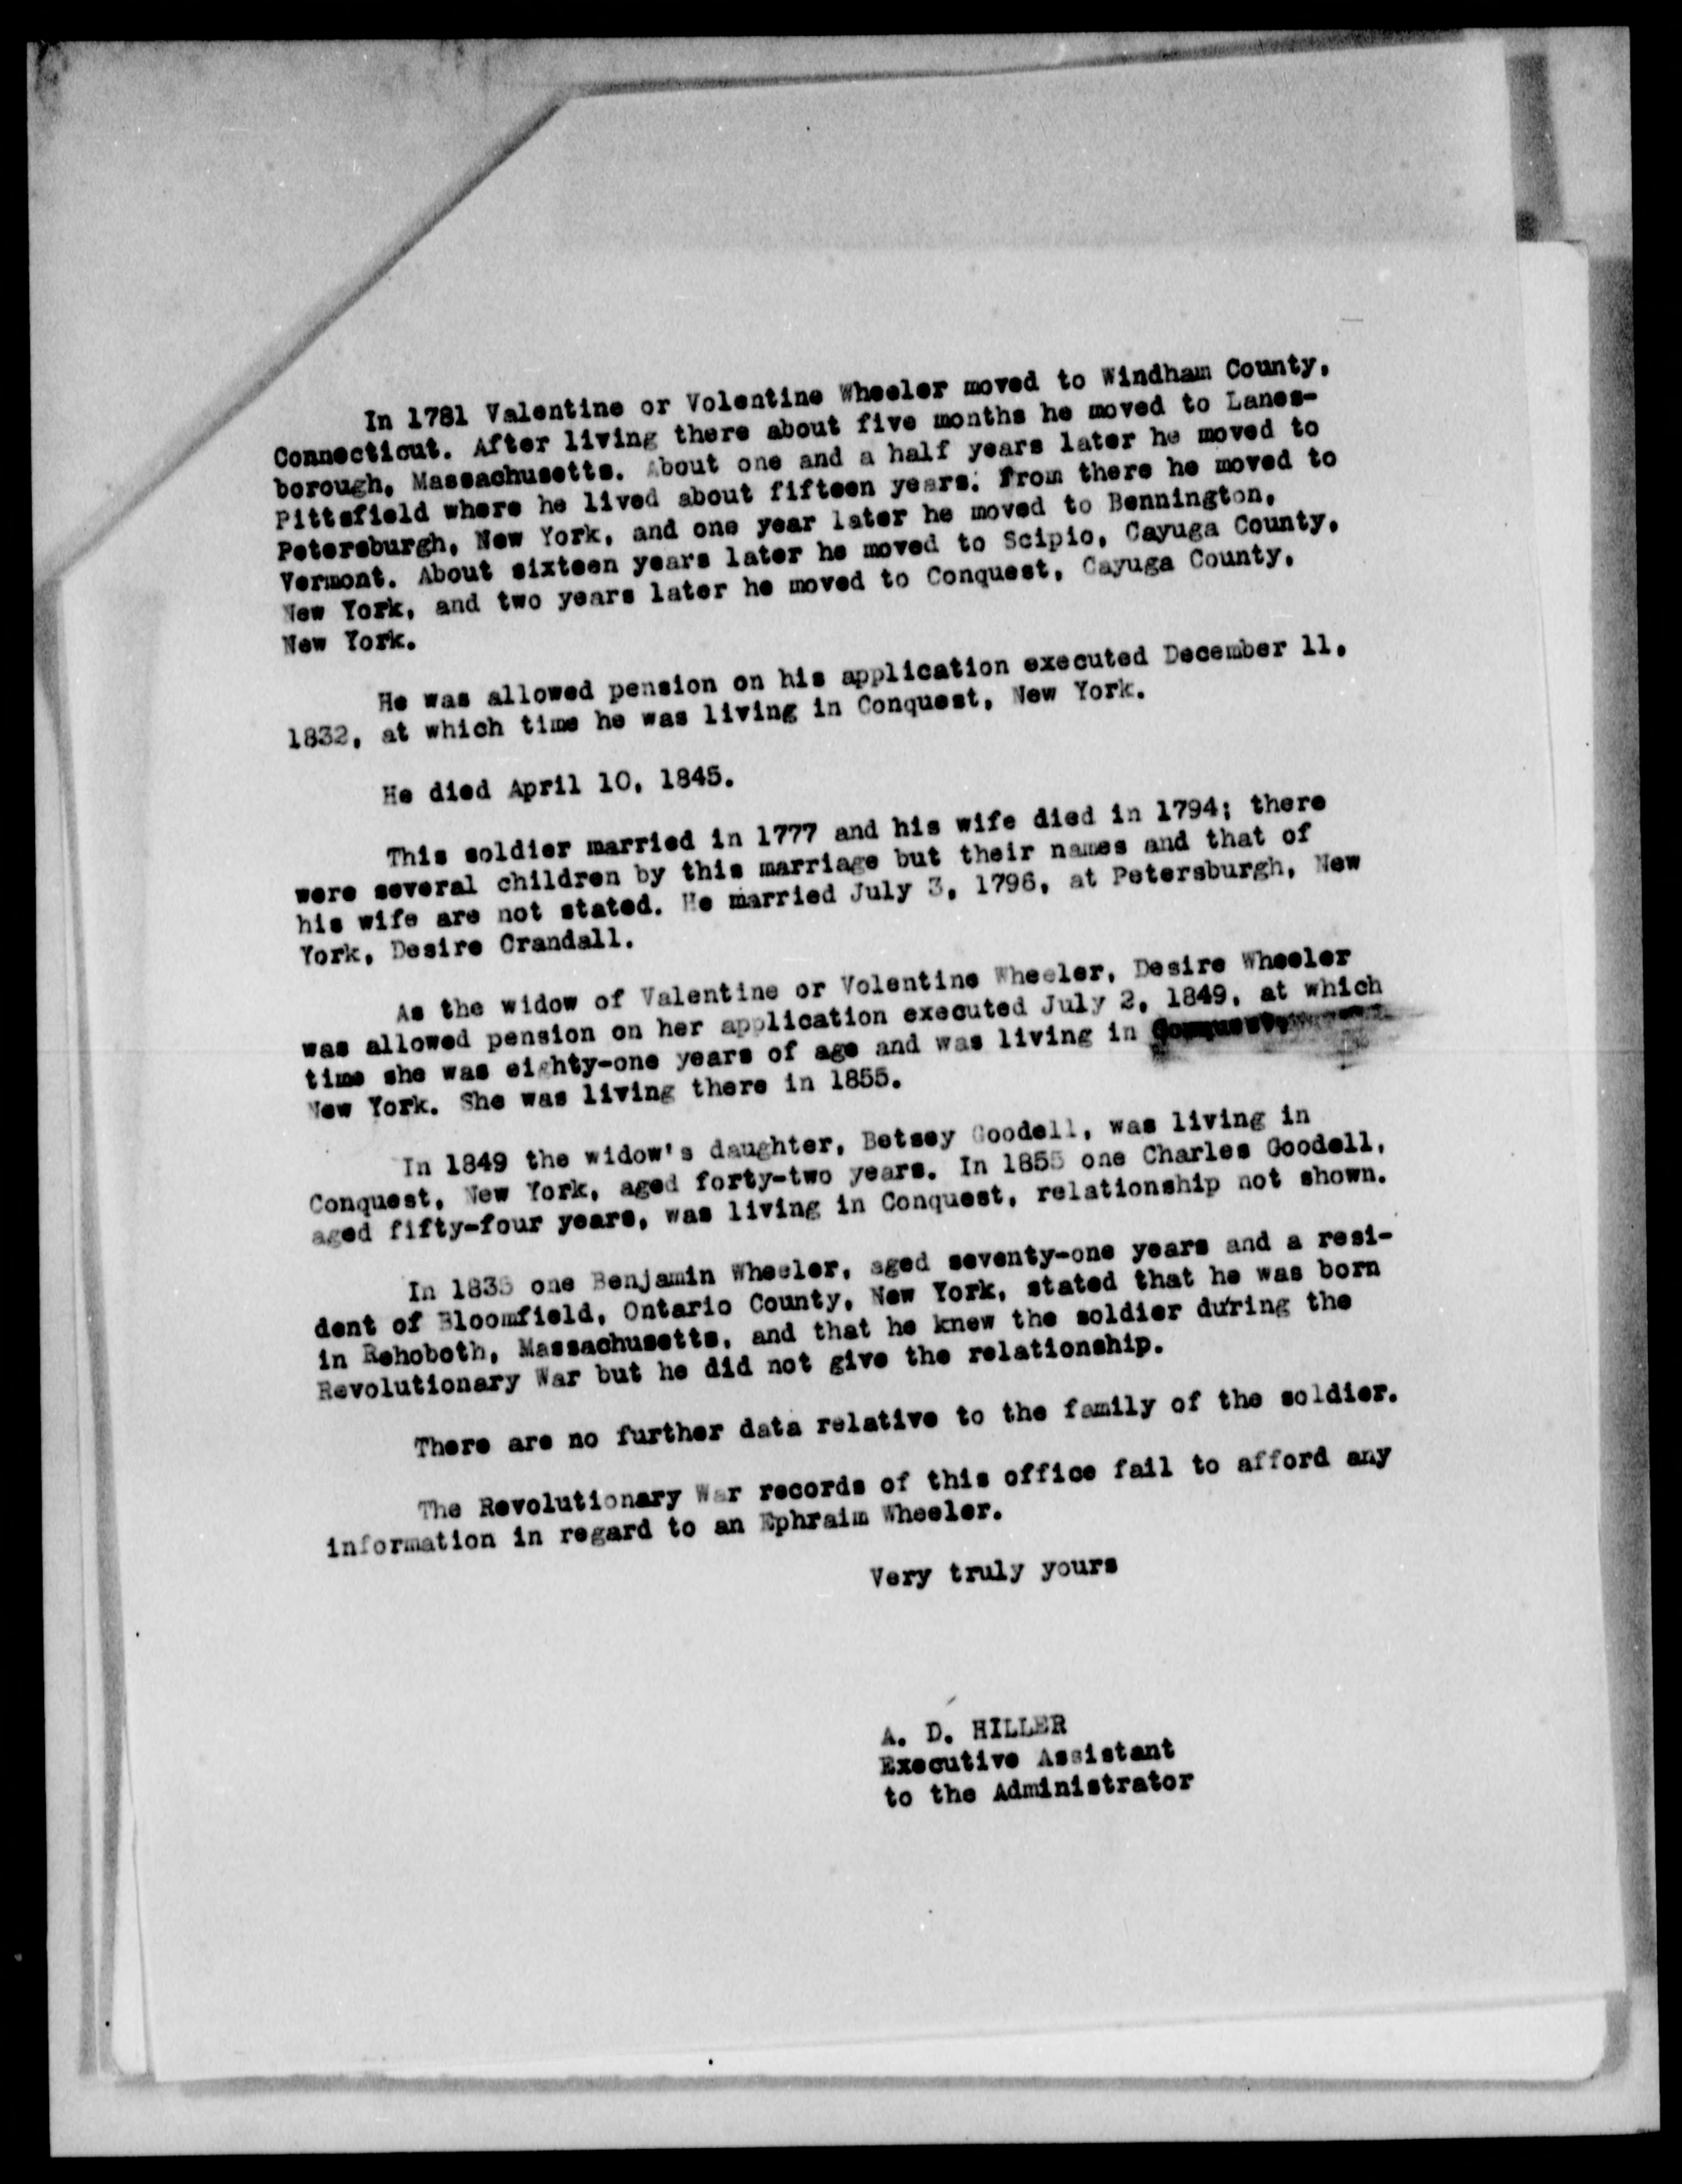in 1781 Valentine or Volentine Wheeler moved to Windham County, Connecticut. After living there about five months he moved to Lanesborough, Massachusetts. About one and a half years later he moved to Pittsfield where he lived about fifteen years. From there he moved to Petersburgh, New York, and one year later he moved to Bennington, Vermont. About sixteen years later he moved to Scipio, Cayuga County, New York, and two years later he moved to Conquest, Cayuga County, New York.
He was allowed pension on his application executed December 11, 1832, at which time he was living in Conquest, New York.
He died April 10, 1845.
This soldier married in 1777 and his wife died in 1794; there were several children by this marriage but their names and that of his wife are not stated. He married July 3, 1796, at Petersburgh, New York, Desire Crandall.
As the widow of Valentine or Volentine Wheeler, Desire Wheeler was allowed pension on her application executed July 2, 1849, at which time she was eighty-one years of age and was living in Conquest, New York. She was living there in 1855.
in 1849 the widow's daughter, Betsey Goodell was living in Conquest, New York, aged forty-two years. In 1855 one Charles Goodall aged fifty-four years, was living in Conquest, relationship not shown.
In 1835 one Benjamin Wheeler, aged seventy-one years and a resident of Bloomfield, Ontario County, New York, stated that he was born in Rehoboth, Massachusetts and that he knew thee soldier during the Revolutionary War but he did not give the relationship.
There are no further data relative to the family of the soldier.
The Revolutionary War records of this office fail to afford any information in regard to an Ephraim Wheeler.
Very truly yours,
A. D. Hiller
Executive Assistant to the Administrator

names: A D Hiller, Valentine Wheeler, Charles Goodell, Desire Wheeler, Desire Crandall, Volentine Wheeler, Benjamin Wheeler, Betsey Goodell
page: 44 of 98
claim: widow's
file: W. 1682, Valentine Wheeler, Mass.